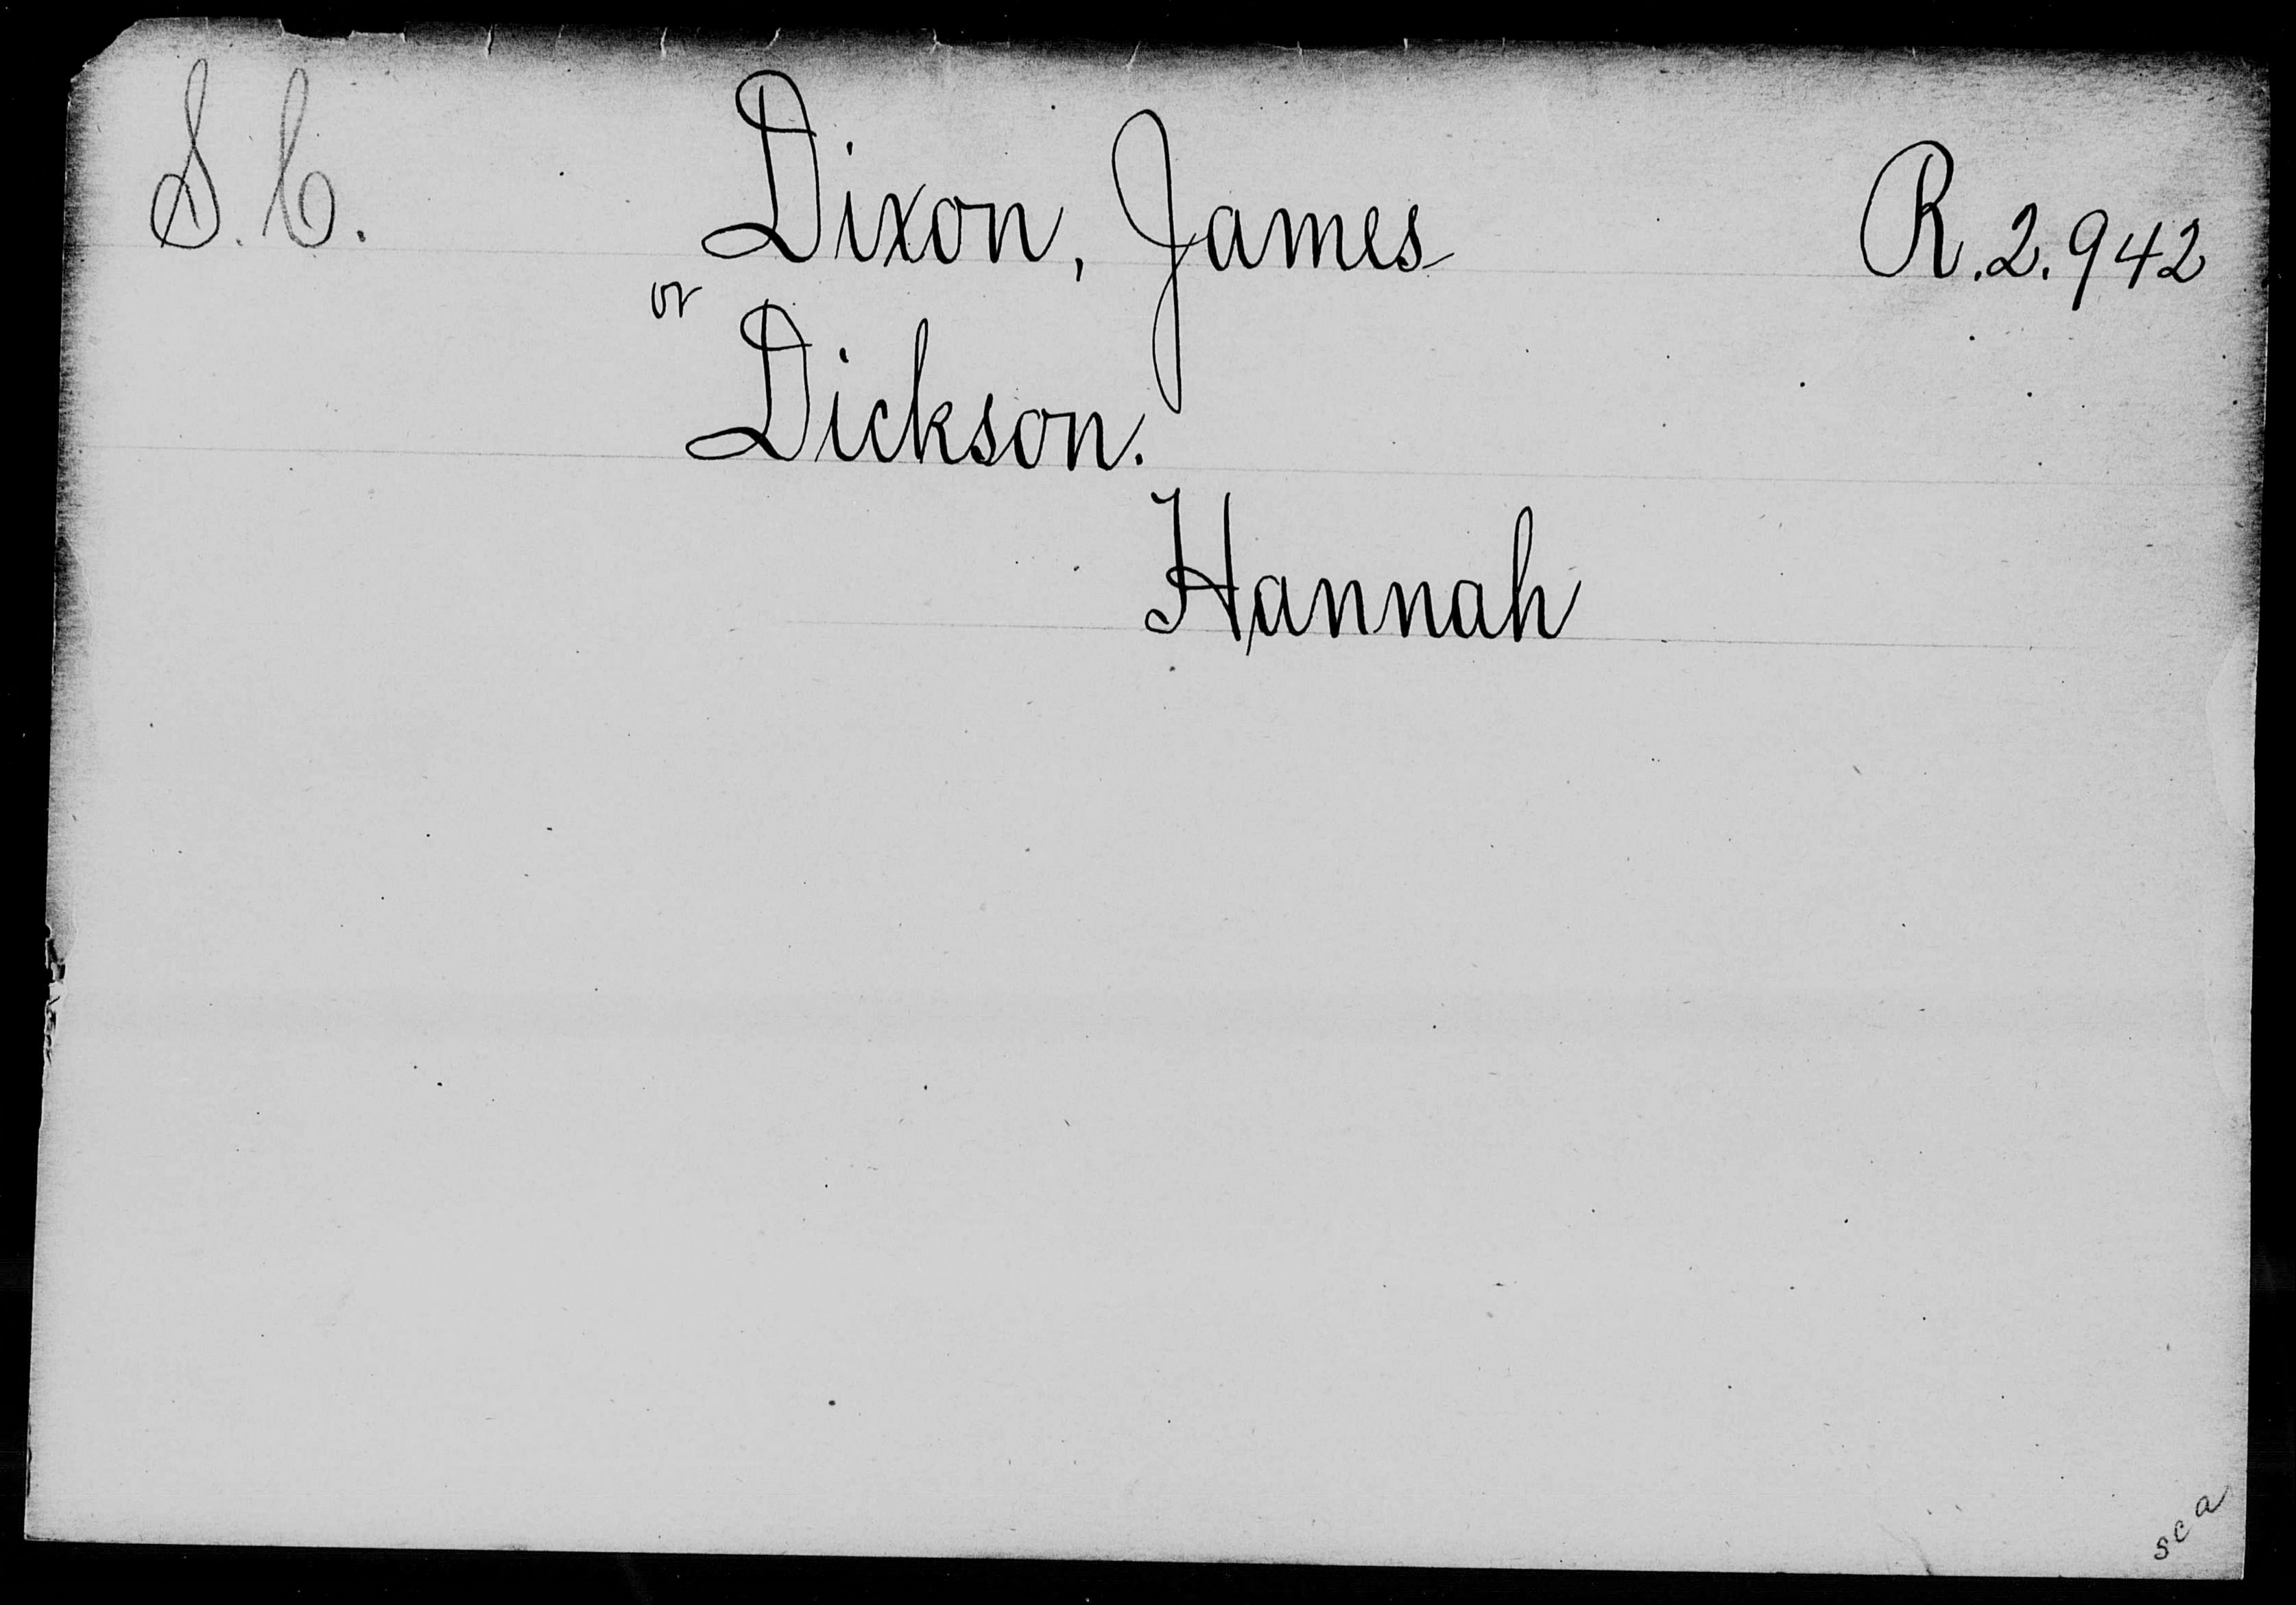S.C.

Dixon, James
or
Dickson
Hannah

R.2.942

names: James Dickson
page: 1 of 1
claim: rejected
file: R. 2,942, James Dixon, S.C.